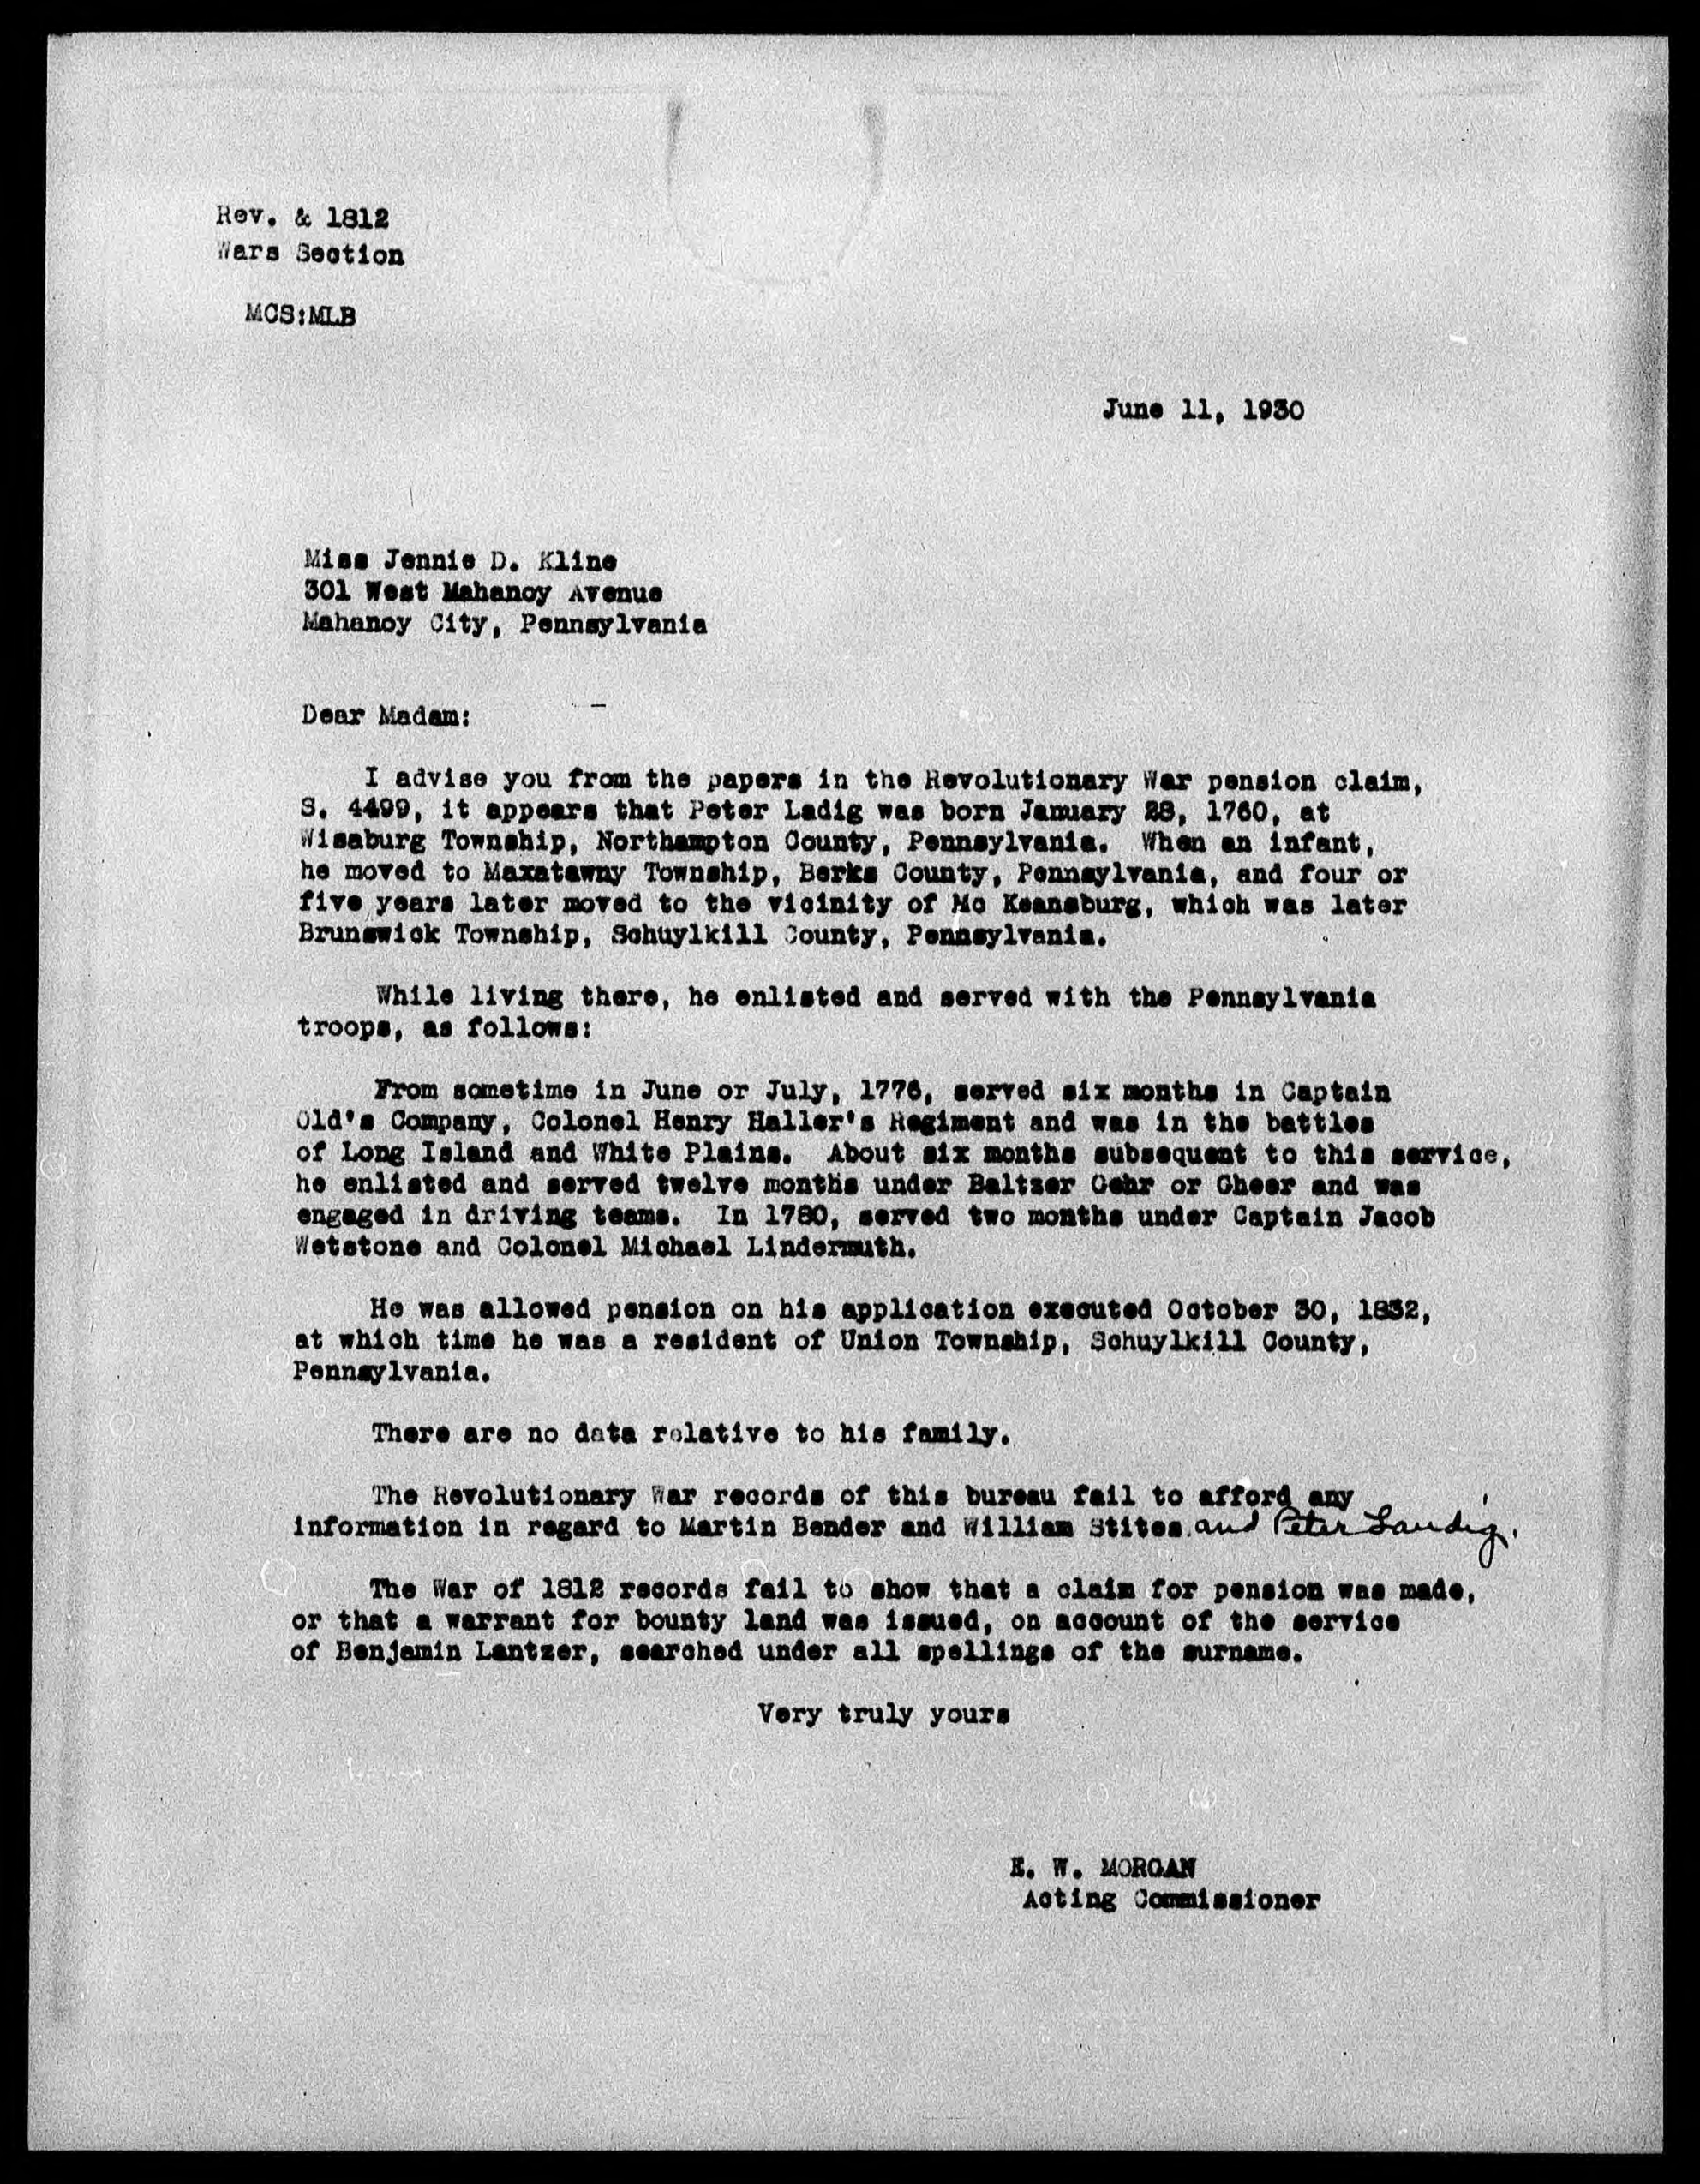Rev. & 1812
Wars Section

MCS:MLB

June 11, 1930

Miss Jennie D. Kline
301 West Mahanoy Avenue
Mahanoy City, Pennsylvania

Dear Madam:

I advise you from the papers in the Revolutionary War pension claim, S. 4499, it appears that Peter Ladig was born January 28, 1760, at Wisaburg Township, Northampton County, Pennsylvania.  When an infant, he moved to Maxatawny Township, Berks County, Pennsylvania, and four or five years later moved to the vicinity of Mc Keansburg, which was later Brunswick Township, Schuylkill County, Pennsylvania.

While living there, he enlisted and served with the Pennsylvania troops, as follows:

From sometime in June or July, 1776, served six months in Captain Old's Company, Colonel Henry Haller's Regiment and was in the battles of Long Island and White Plains.  About six months subsequent to this service, he enlisted and served twelve months under Beltzer Oehr or Gheer and was engaged in driving teams.  In 1780, served two months under Captain Jacob Wetstone and Colonel Michael Lindermuth.

He was allowed pension on his application executed October 30, 1832, at which time he was a resident of Union Township, Schuylkill County, Pennsylvania.

There are no data relative to his family.

The Revolutionary War records of this bureau fail to afford any information in regard to Martin Bender and William Stites and Peter Laudig.

The War of 1812 records fail to show that a claim for pension was made, or that a warrant for bounty land was issued, on account of the service of Benjamin Lantzer, searched under all spellings of the surname.

Very truly yours

E. W. MORGAN
Acting Commissioner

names: Martin Bender; Peter Ladig; Peter Laudig; Jacob Wetstone; Michael Lindermuth; E W Morgan; William Stites; Jennie D Kline; Benjamin Lantzer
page: 10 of 17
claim: survivor's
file: S. 4499, for Peter Ladig, Pennsylvania